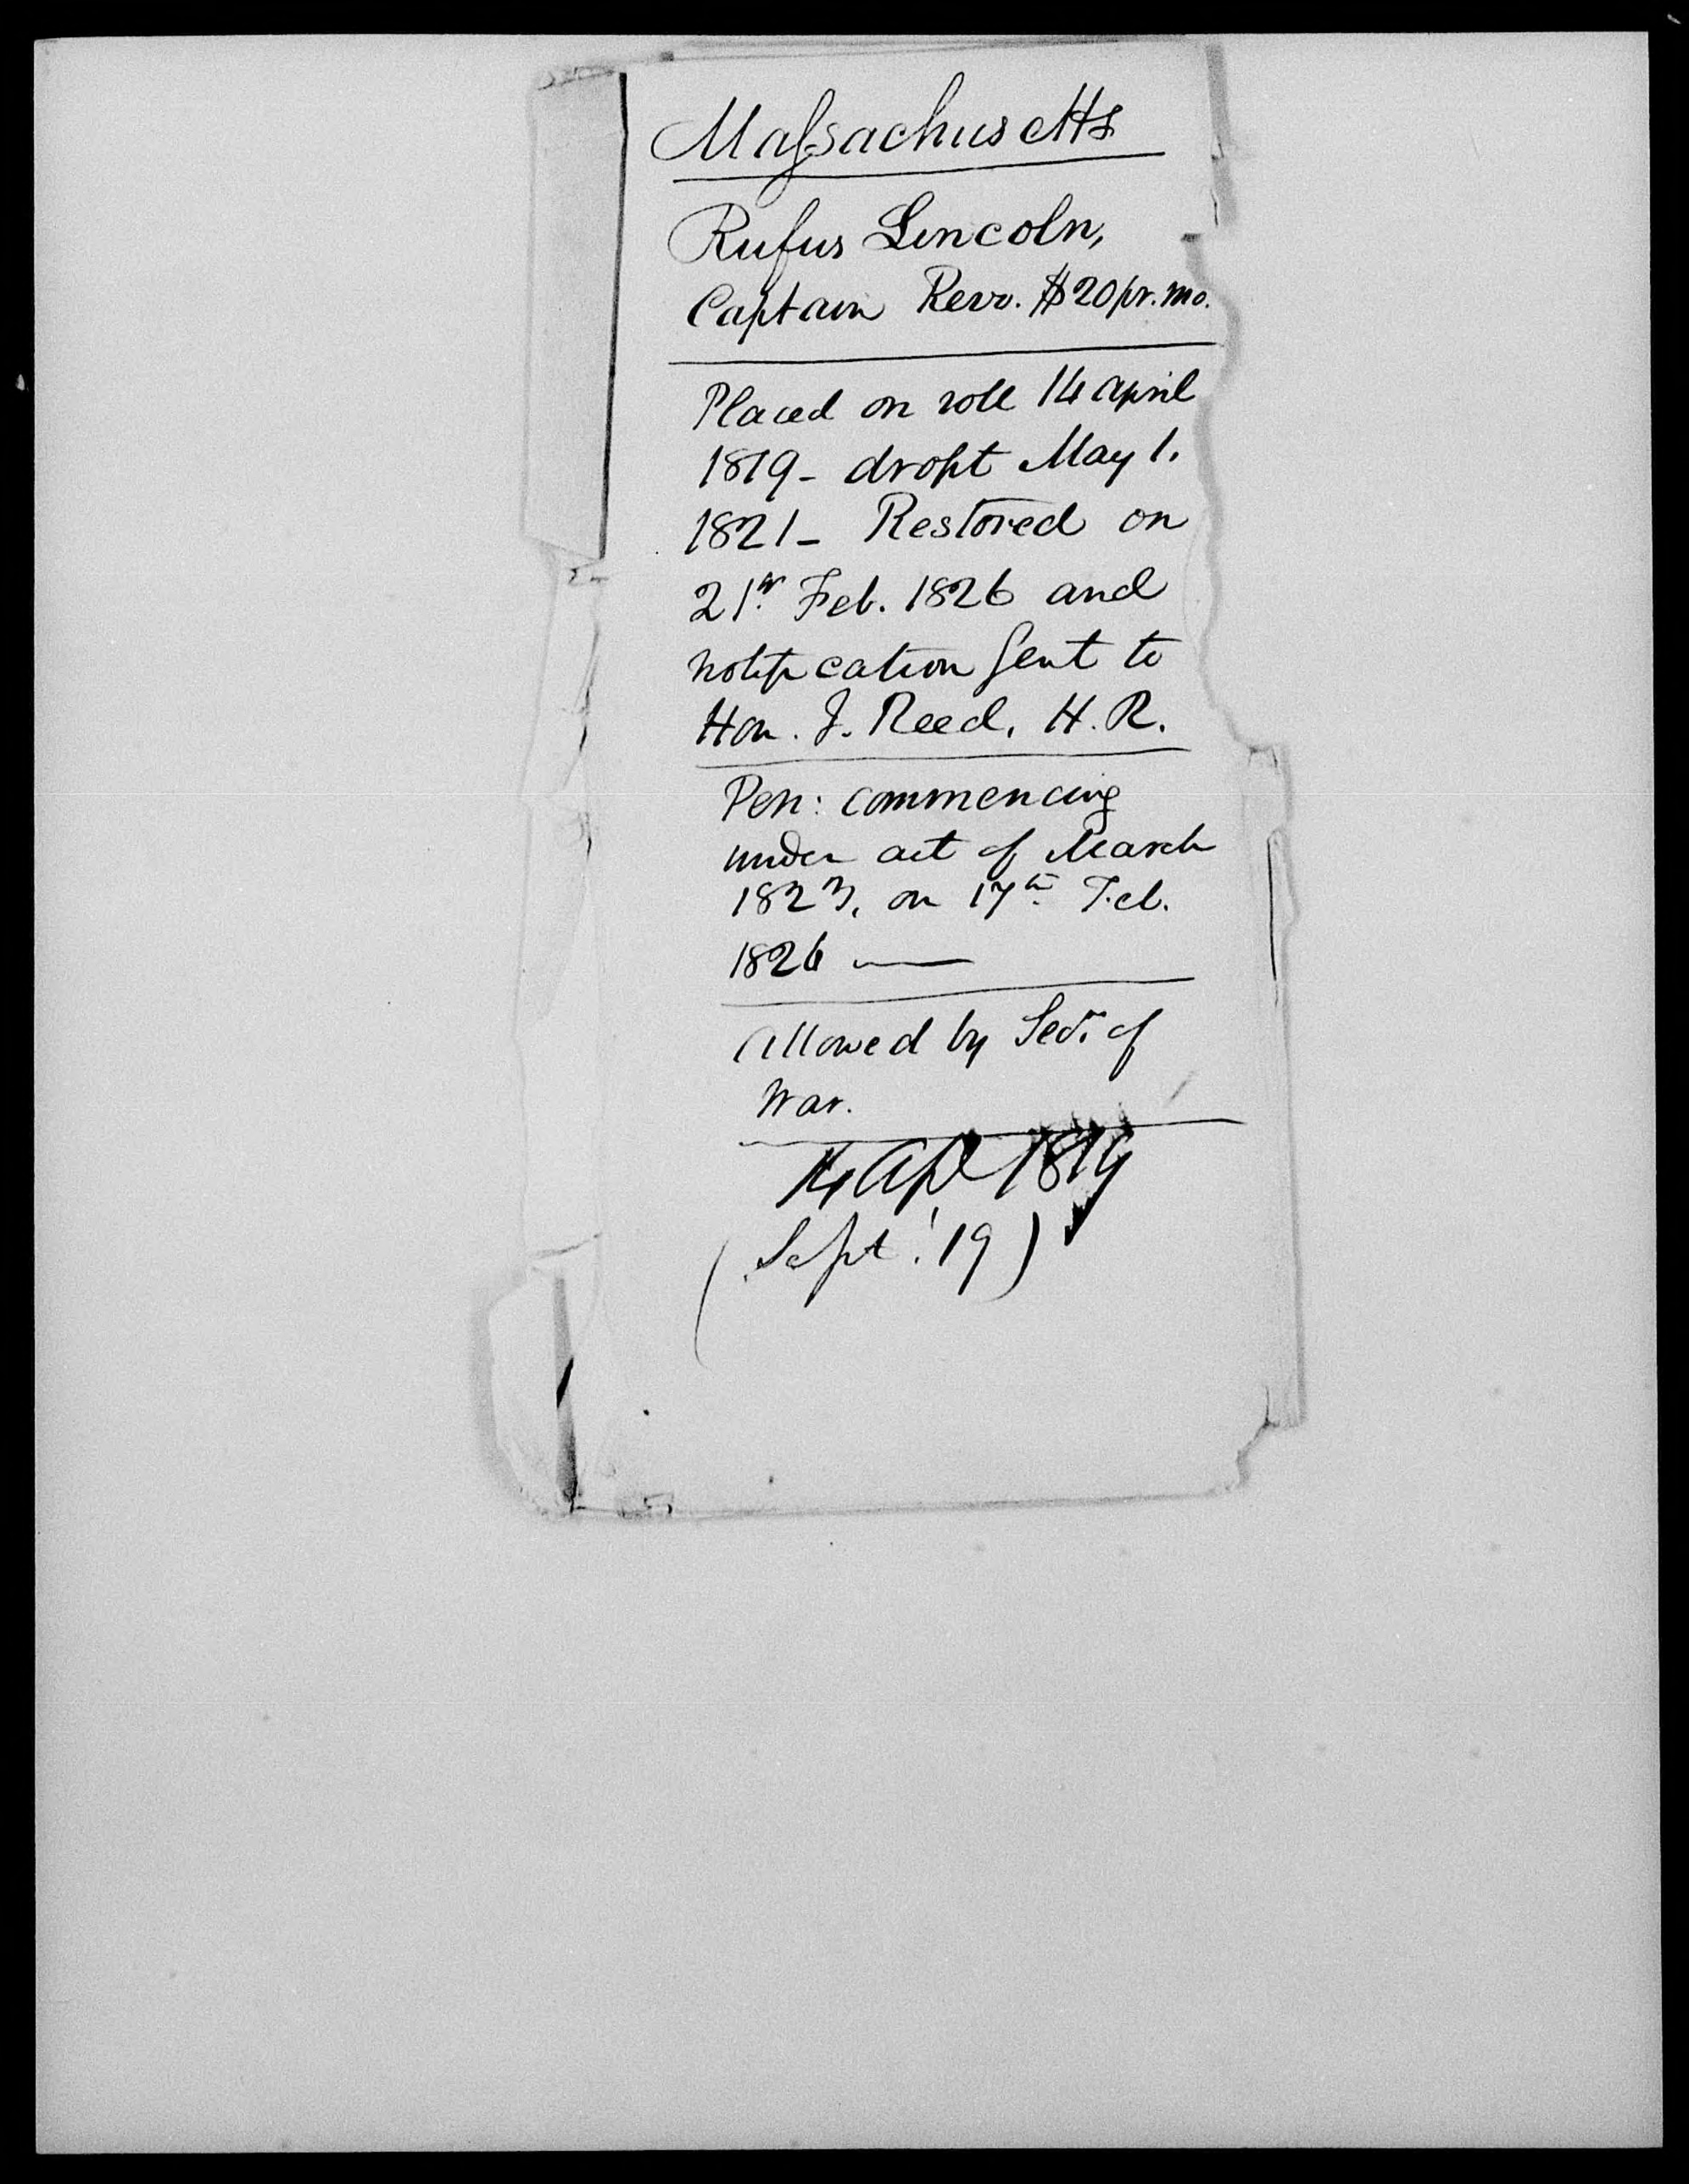Massachusetts
---
Rufus Lincoln,
Captain Revo. $20 pr Mo.
placed on roll 14 April
1819 - dropt May 1.
1821. Restored on
21st Feb. 1826 and
notification sent to
Hon. J. Reed, H.R.
---
Pen: Commencing
under act of March
1823, on 17th Feb.
1826--
---
allowed by Secrt of
War.
14 Apl 1819
(Sept. '19 )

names: J Reed; Rufus Lincoln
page: 20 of 82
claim: widow's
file: W. 13,634, for Rufus Lincoln, Massachusetts